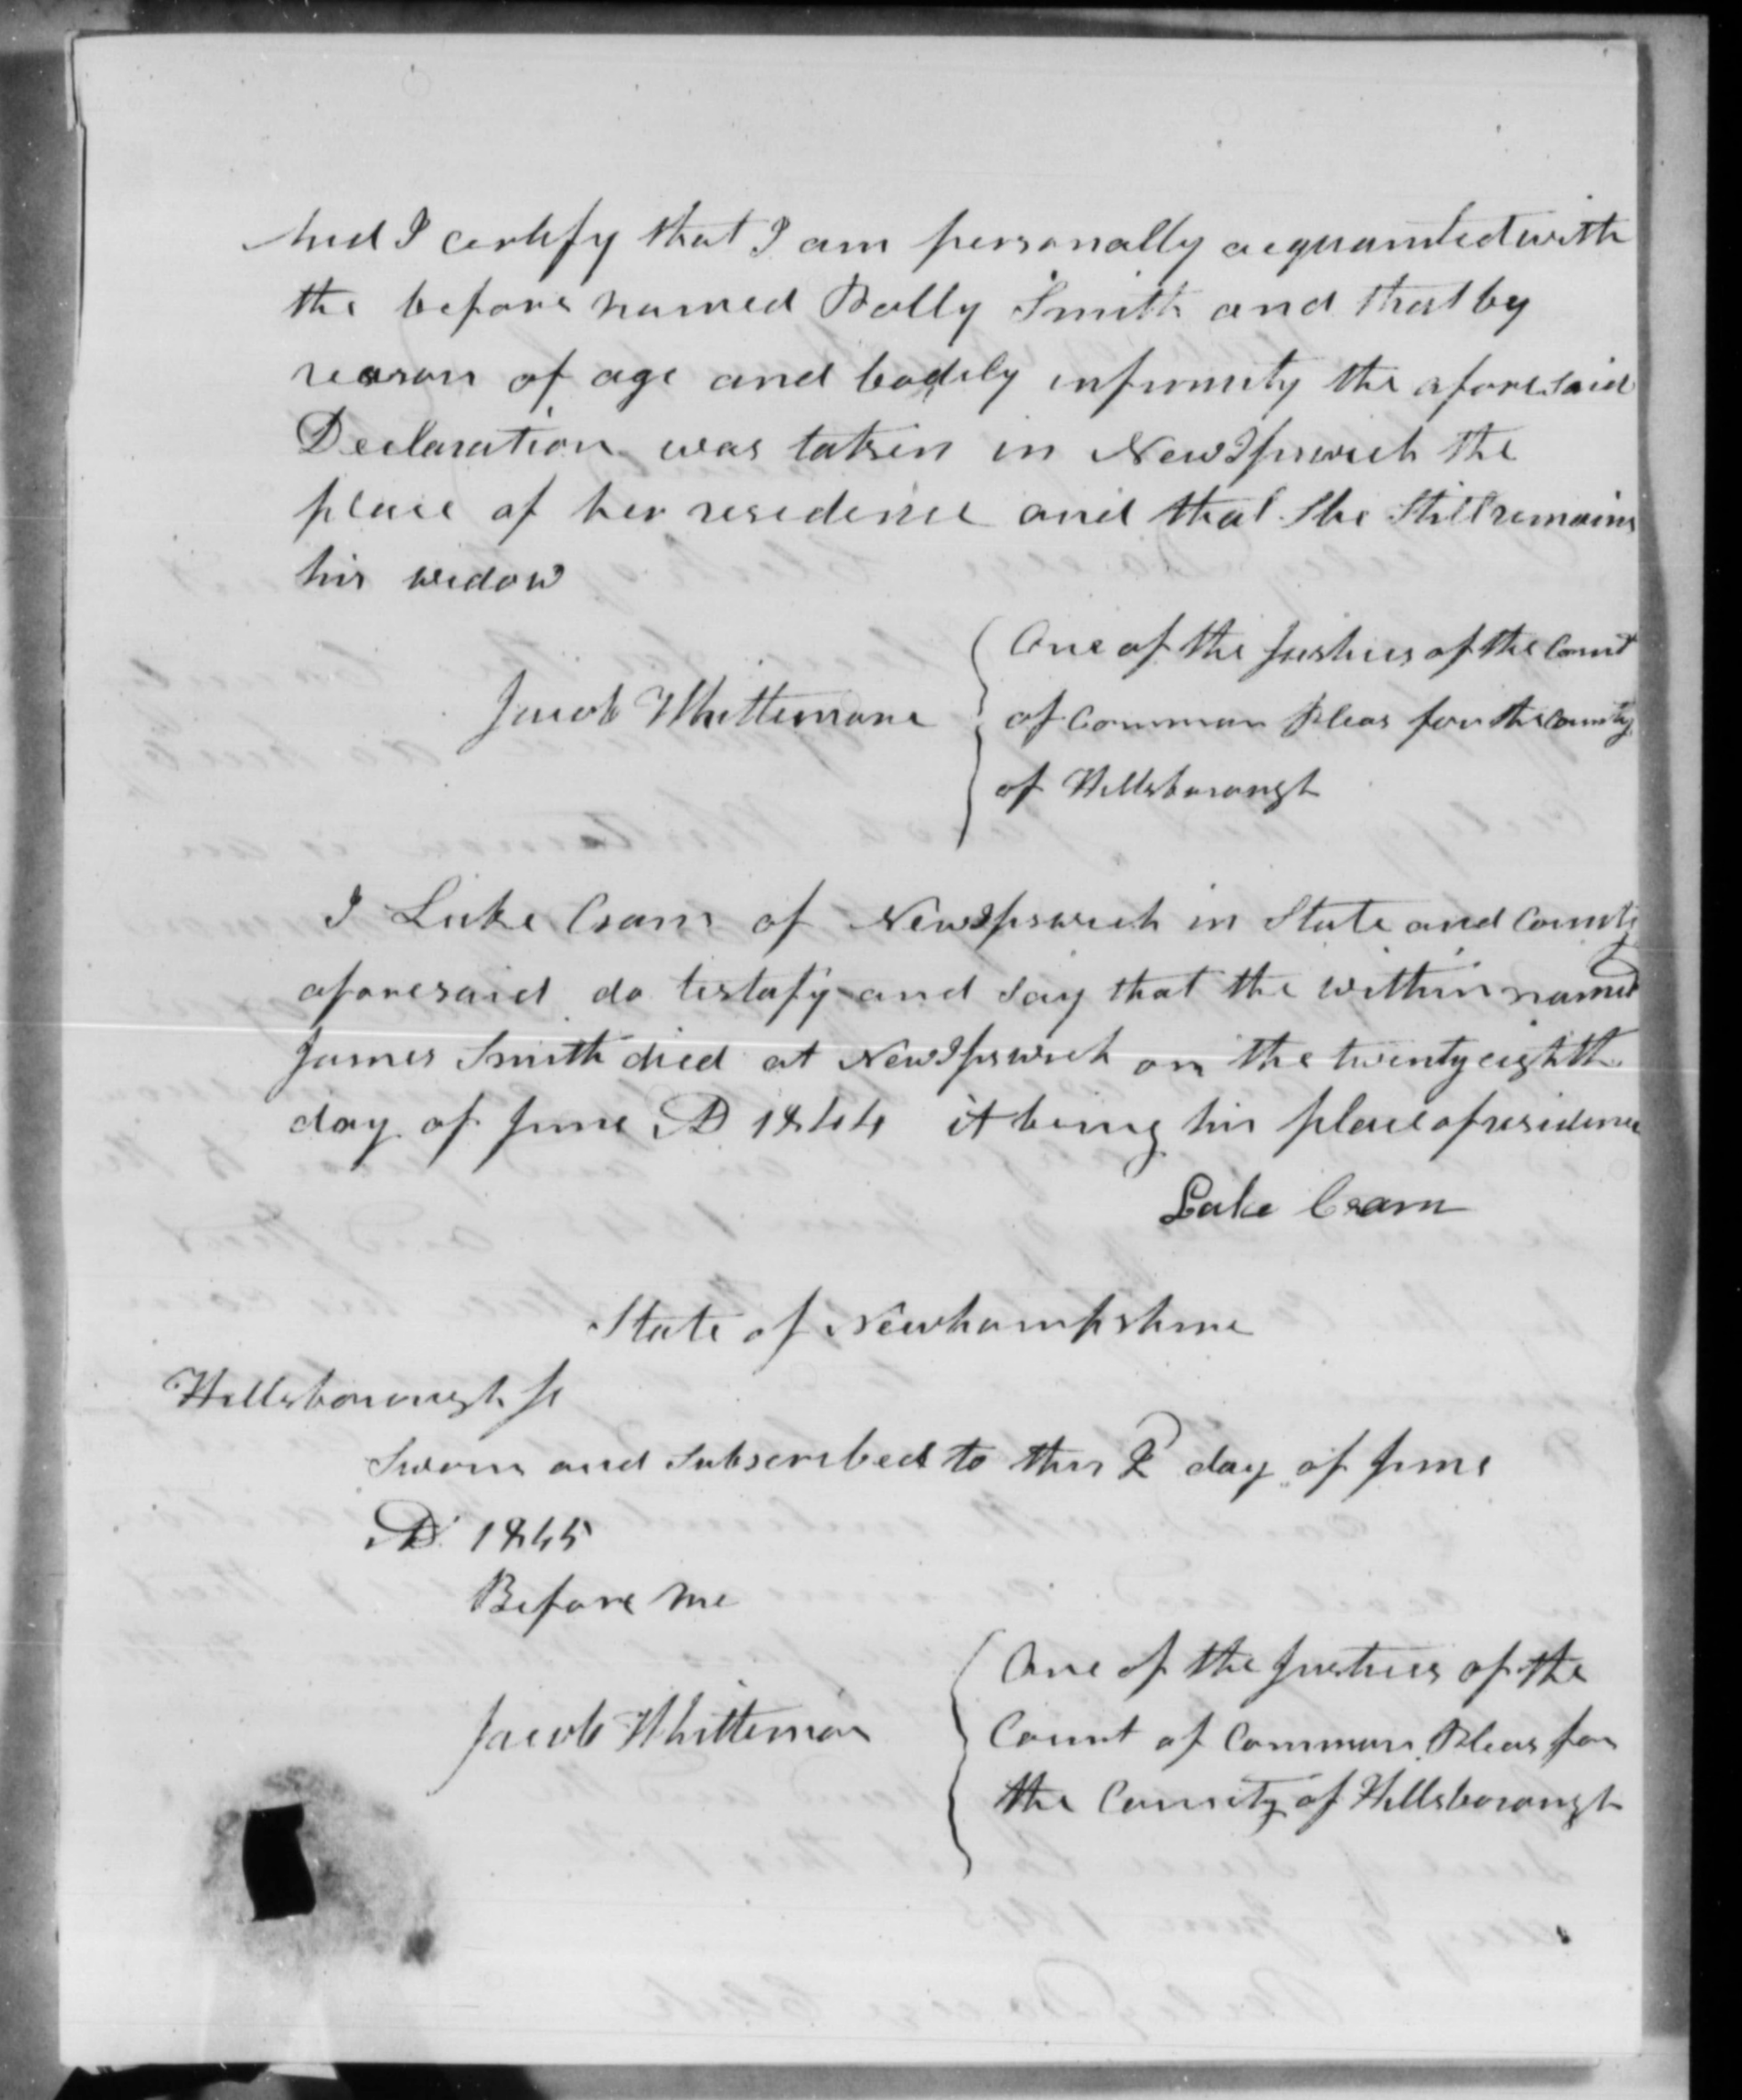___ I cerfiy that I am personally acquainted with the before named Polly Smith and that by ___ of age and ___ ___ the aforesaid declaration was taken in New Hampshire the place of her residence and that the ____ his widow
Jacob Whitlemore One of the Justices of the Court of Common Pleas for the County of Hillsborough
I Luke Crane of New----- in the State and County aforesaid do testify that the written named James Smith died – New---- on the twenty eighth day of June AD 1844 ______ _____ ______ 
Luke Crane

State of New Hampshire 
Hillsborough
Sworn and _____ to ____ ___ day of June AD 1845 
Before me 
Jacob Whitlemore One of the Justices of the Court of Common Pleas for the County of Hillsborough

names: Jacob Whitlemore; Polly Smith; Jacob Whitlemore; Luke Crane; Luke Crane; James Smith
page: 15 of 55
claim: widow's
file: W 19058, for James Smith, Massachusetts